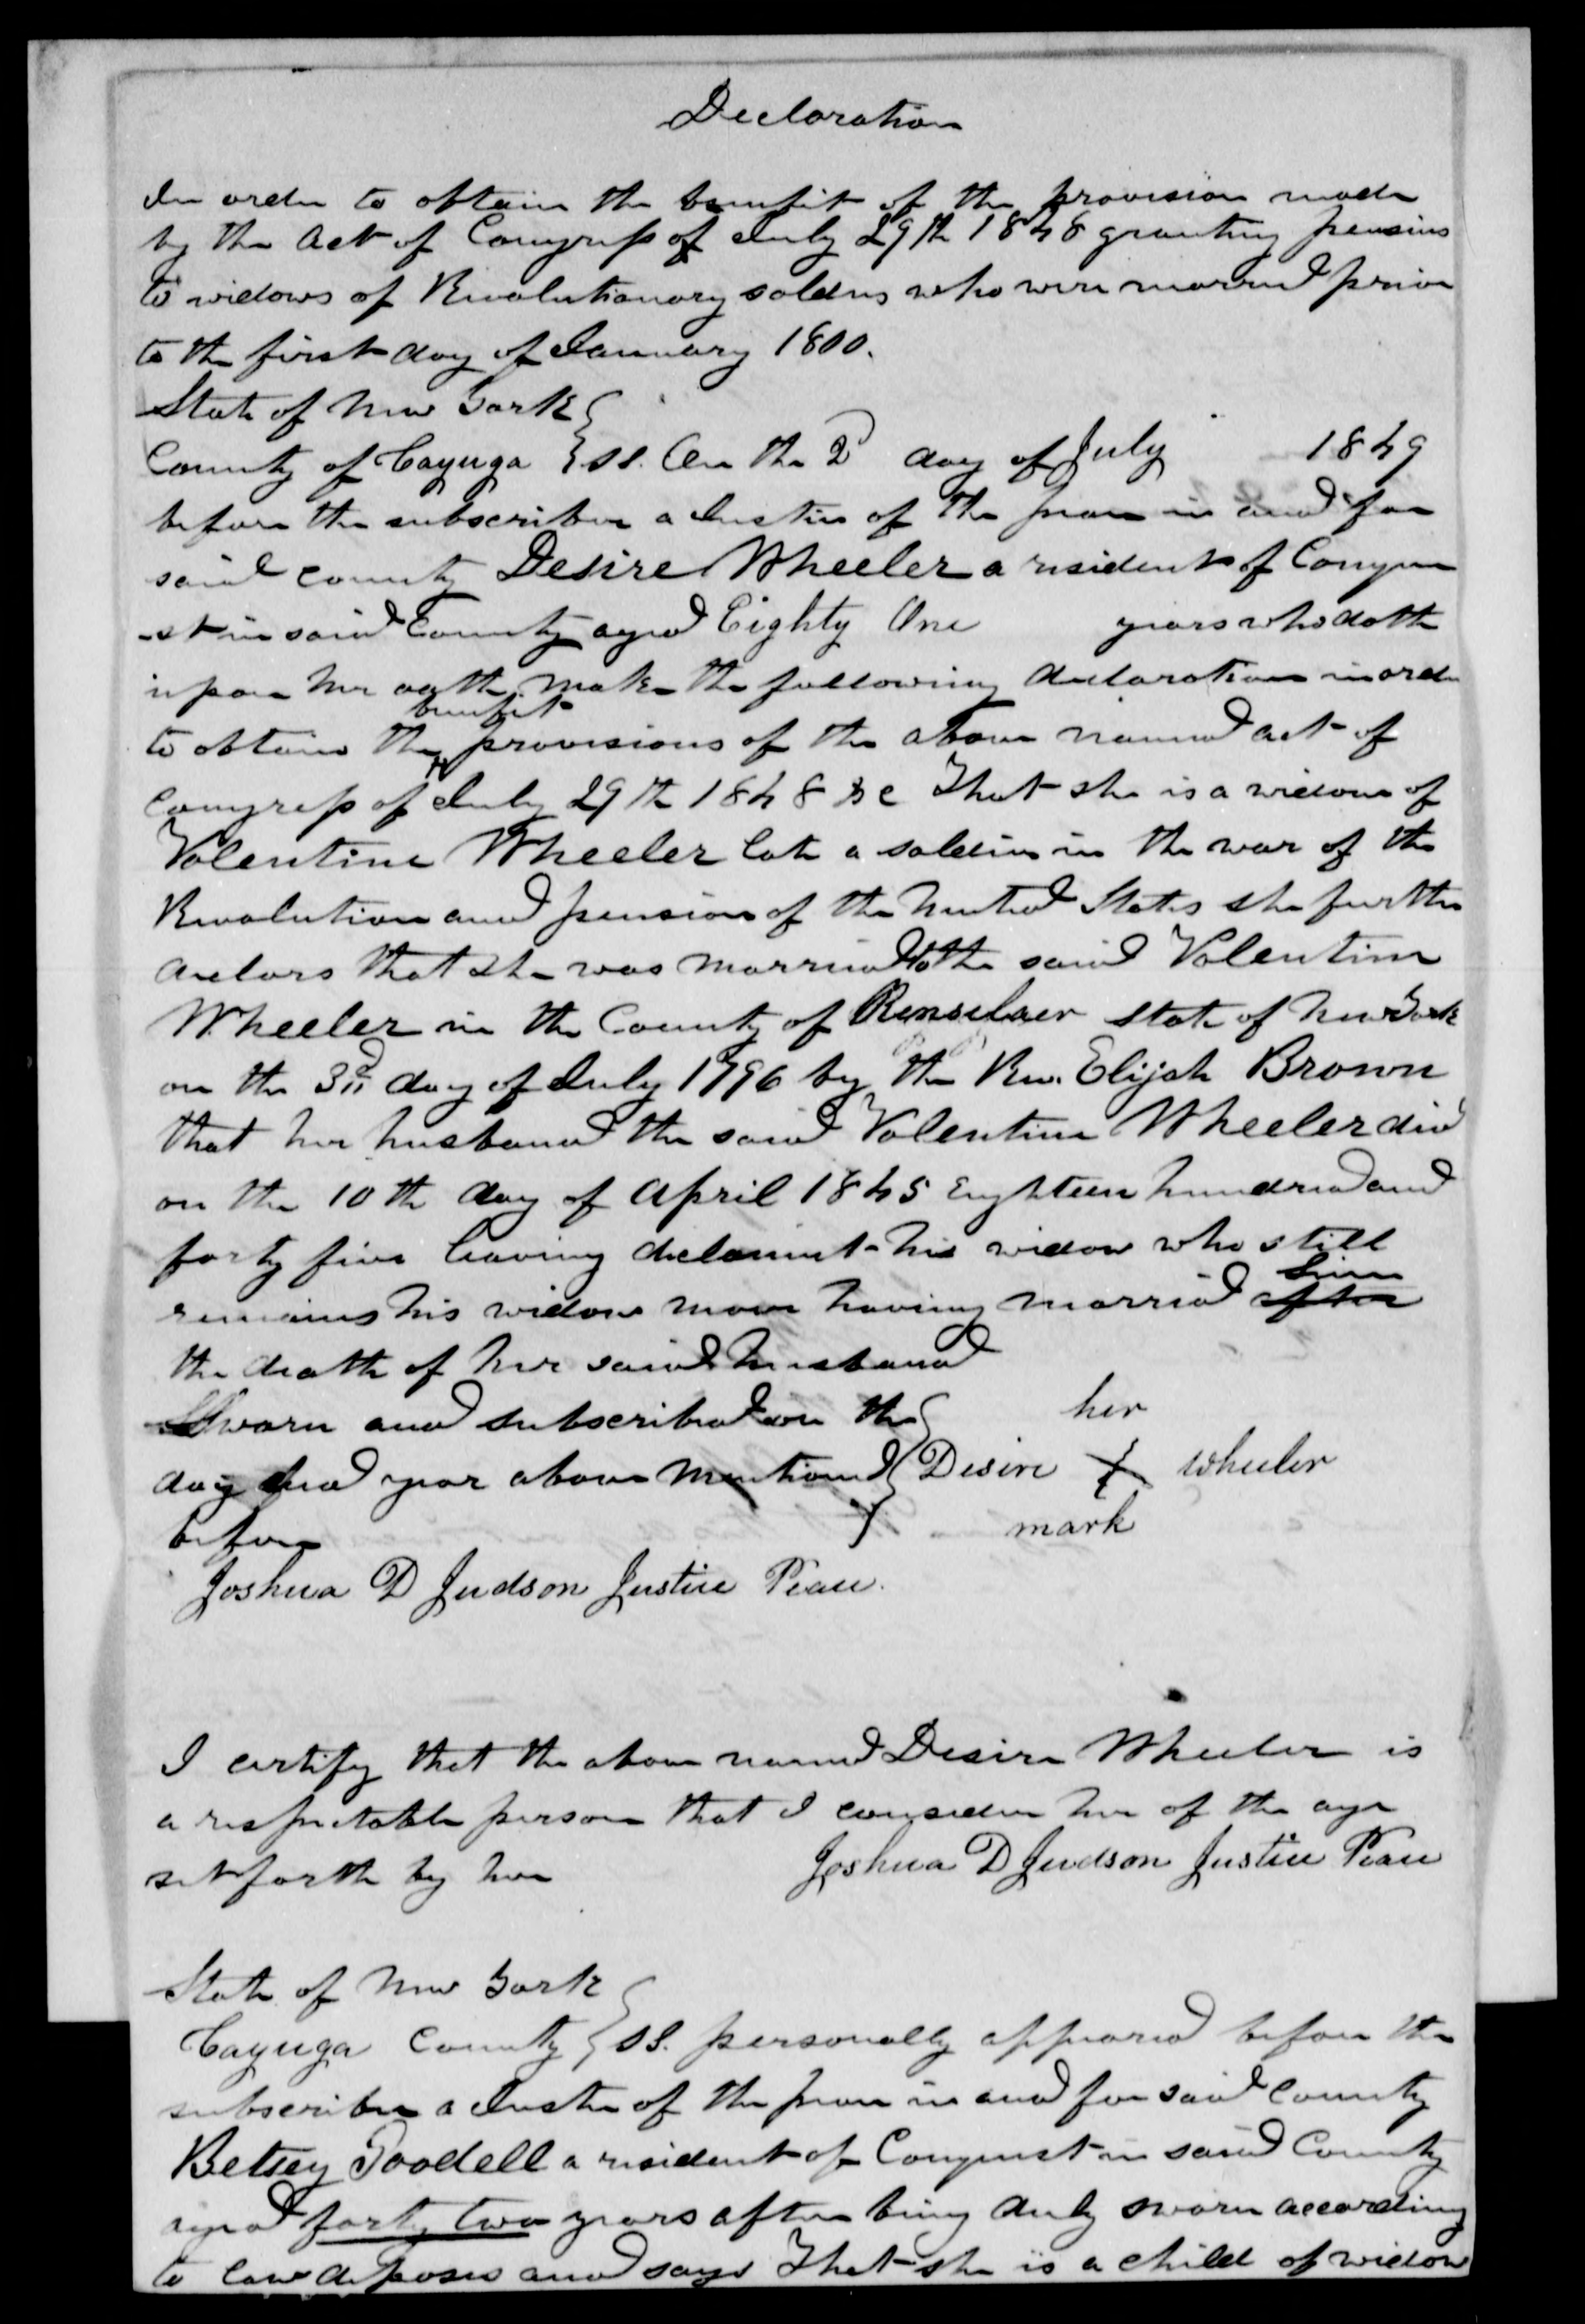Declaration
In order to obtain the benefit of the provision made by the act of Congress of July 19th 1848 granting pensions to widows of Revolutionary soldiers who were married prior to the first day of January 1800;
State of New York
County of Cayuga SS
On the 2d day of July 1849 before the subscriber a Justice of the peace in and for said county Desire Wheeler a resident of Conquest in said county aged eighty one years who doth up her oath make the following declatation in order to obtain the provisions of the above named act of Congress of July 19th 1848 &c. that she is a widow of Volentine Wheeler late a soldier in the war of the Revolution and pensioner of the United States. She further declares that she was married to the said Volentine Wheeler in the County of Renselaer State of New York on the 2d day of July 1796 by the Rev. Elijah Brown. that her husband the said Volentine Wheeler died on the 10th day of April 1845 eighteen hundred and forty five leaving declarant his widow who still remains his widow never having married since the death of her said husband. 
Desire  X  Wheeler
her mark
Sworn and subscribed the day and year above mentioned before
Joshua D. Judson Justice of the peace

I certify that the above named Desire Wheeler is a respectable person that I consider of the age set forth by her.
Joshua D. Judson Justice peace

State of New York
Cayuga County SS personally appeared before the subscriber a Justice of the peace in and for said County Betsey Goodell a resident of Conquest in said County aged forty two years after being duly sworn according to law deposes and says that she is a child of widow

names: Elijah Brown, Joshua D Judson, Desire Wheeler, Valentine Wheeler, Betsey Goodell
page: 16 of 98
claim: widow's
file: W. 1682, Valentine Wheeler, Mass.